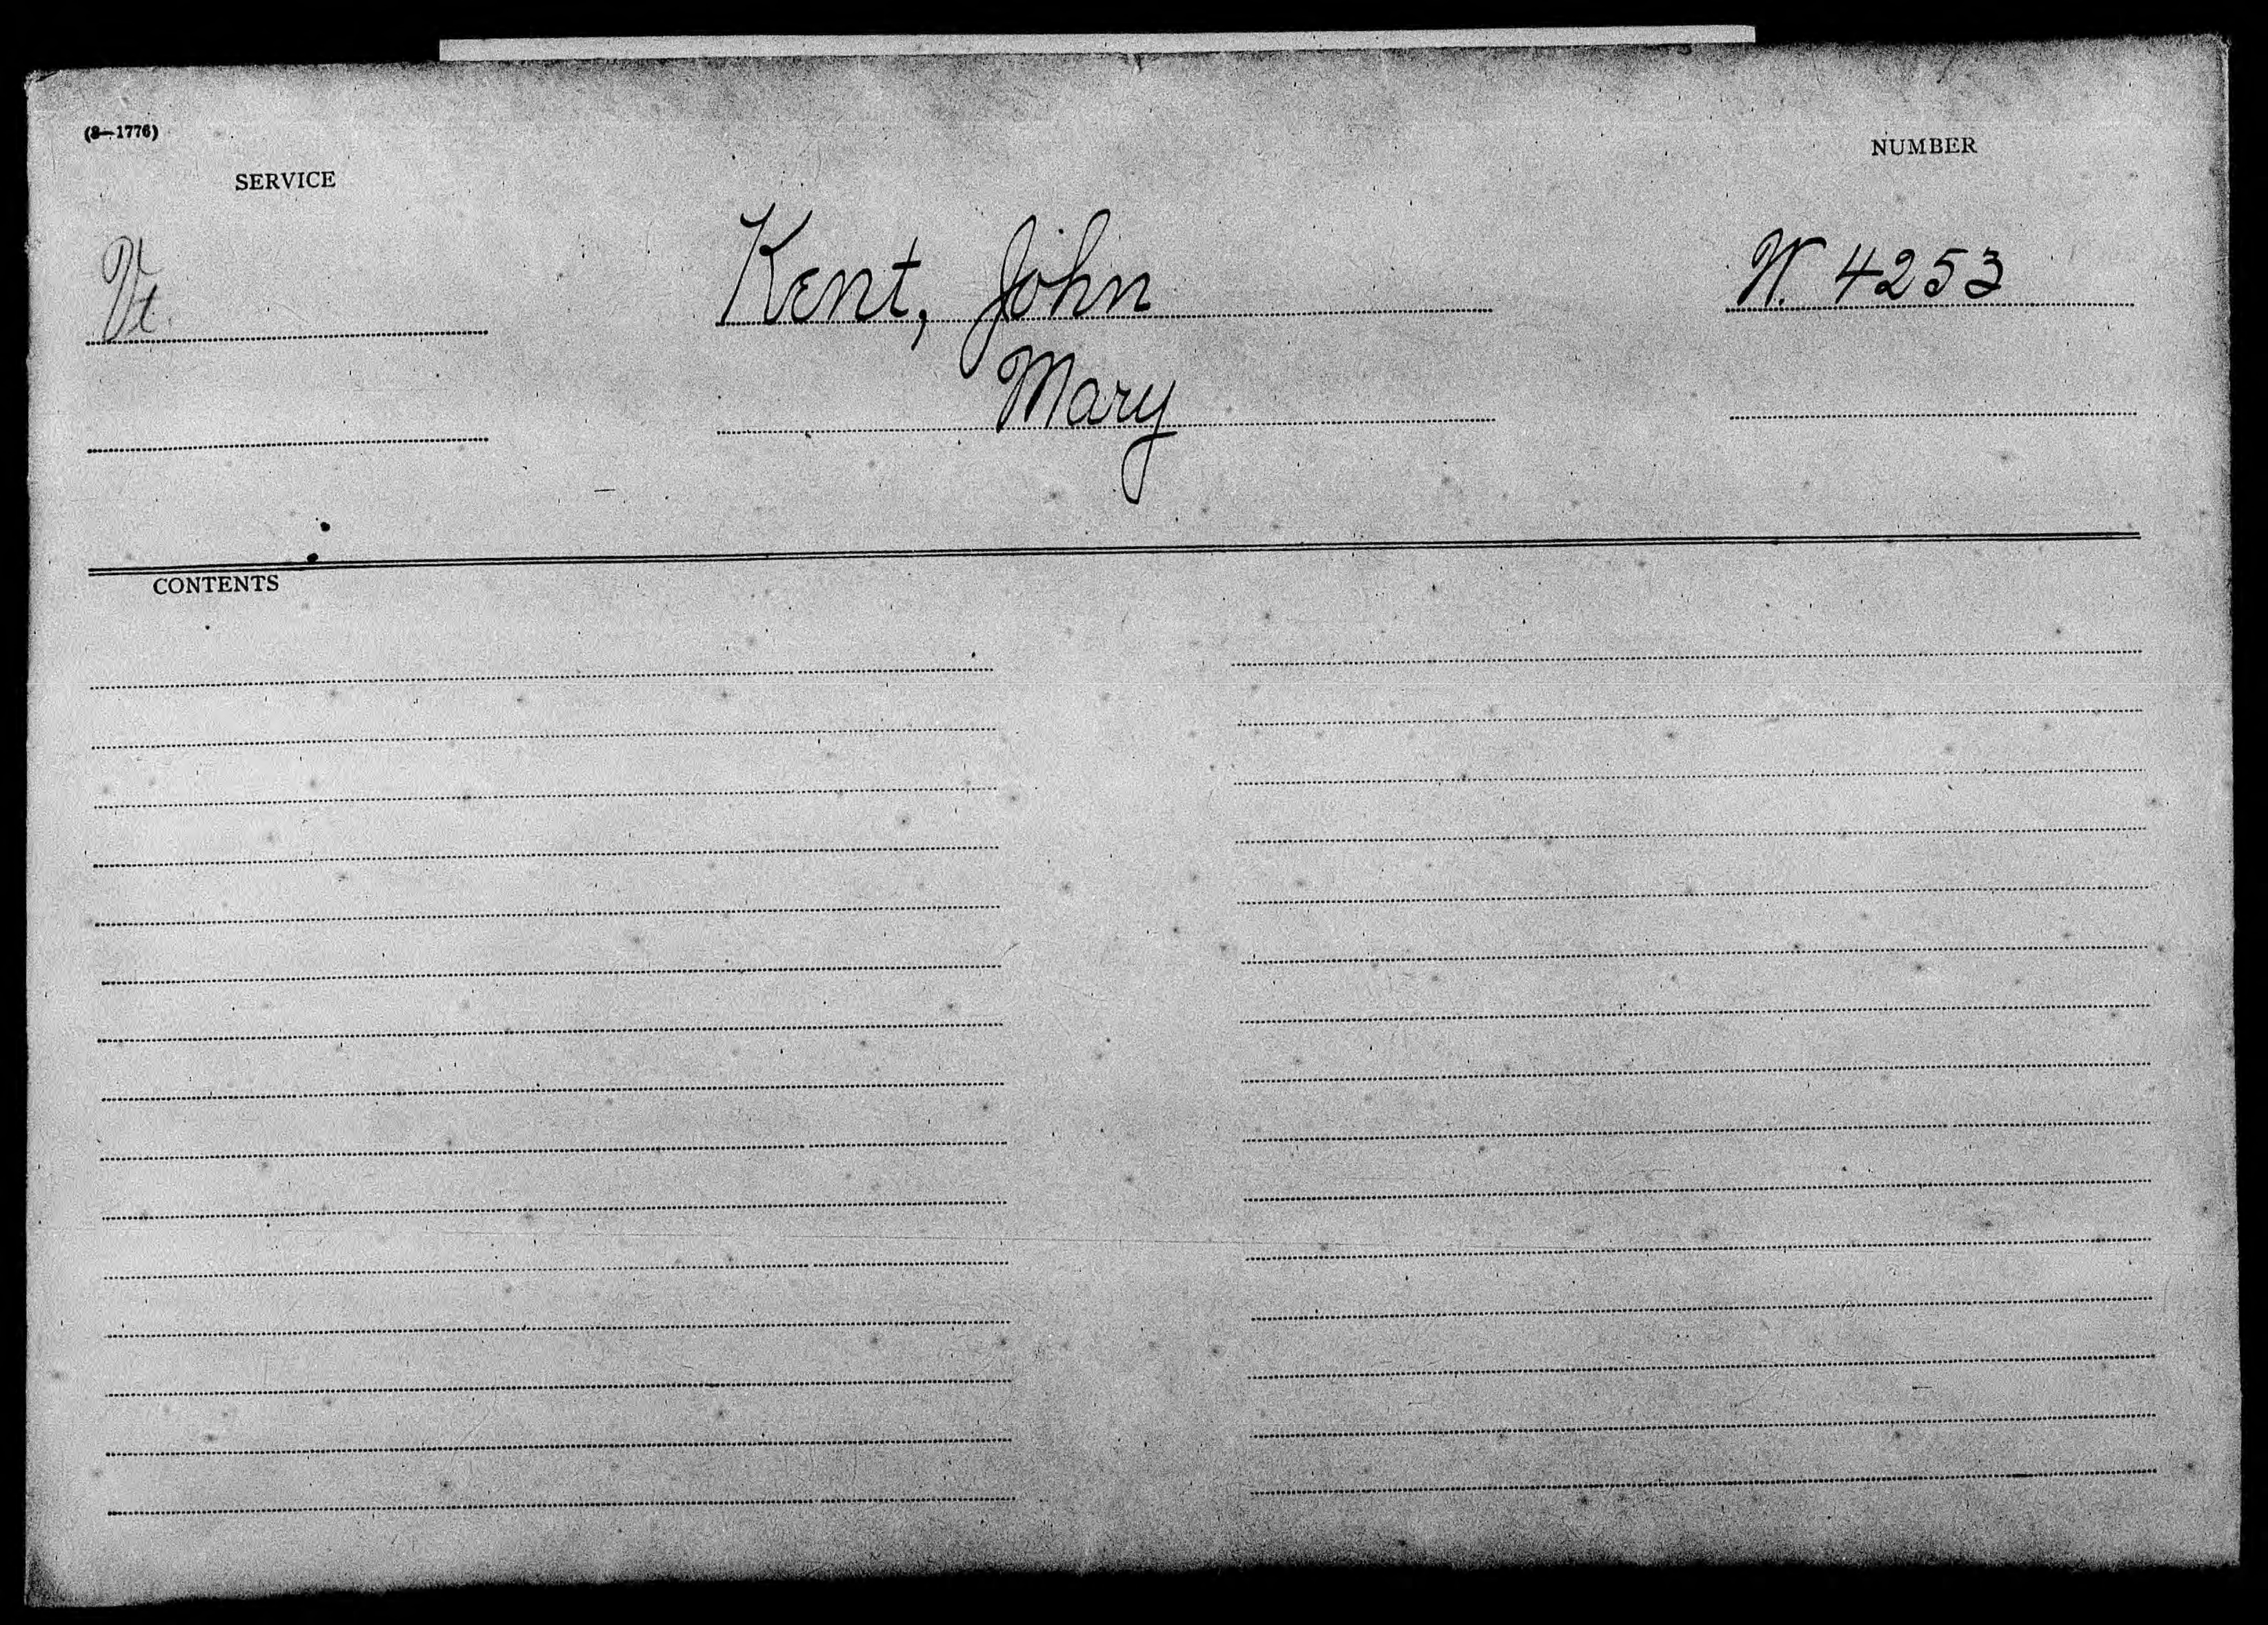SERVICE
Vt

Kent, John
Mary

NUMBER  
W. 4253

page: 1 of 50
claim: widow's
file: W. 4253, for John Kent, Vermont